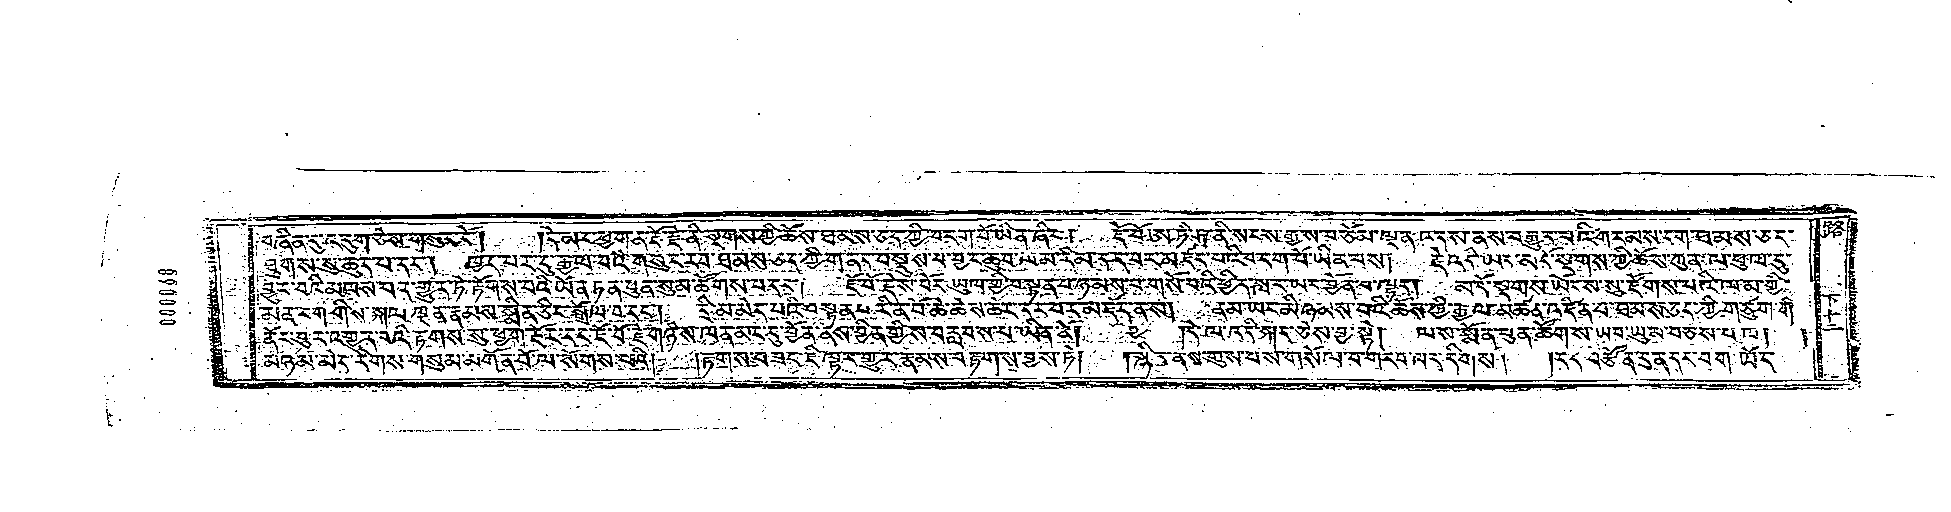བཞིན་དུ་འདུག་ཅེས་གསུང་སོ། །དེ་ཡང་ཕྱག་ན་རྡོ་རྗེ་ནི་སྔགས་ཀྱི་ཆོས་ཐམས་ཅད་ཀྱི་བར་ག་པོ་ཡིན་ཞིང་། ཇོ་བོ་ཨ་ཏི་ཤ་ནི་སངས་རྒྱས་བཅོམ་ལྡན་འདས་ནས་བརྒྱུད་པའི་གདམས་ངག་ཐམས་ཅད་
ཐུགས་སུ་ཆུད་པ་དང་། ཁྱད་པར་དུ་རྒྱལ་བའི་གསུང་རབ་ཐམས་ཅད་ཀྱི་གནད་བསྡུས་པ་བྱང་ཆུབ་ལམ་རིམ་དར་བར་མཛད་པའི་བདག་པོ་ཡིན་པས། རྗེ་འདི་ཡང་མདོ་སྔགས་ཀྱི་ཆོས་ཀུན་ལ་ཕུལ་དུ་
བྱུང་བའི་མཁས་པར་གྱུར་ཏེ་རྟོགས་པའི་ཡོན་ཏན་ཕུན་སུམ་ཚོགས་པ་དང་། ཇོ་བོ་རྗེས་བོད་ཡུལ་གྱི་བསྟན་པ་ཉམས་པ་གསོ་བའི་ཕྱིར་སླར་ཡང་བྱོན་པ་ལྟར། མདོ་སྔགས་ཡོངས་སུ་རྫོགས་པའི་ལམ་གྱི་
མན་ངག་གིས་སྐལ་ལྡན་རྣམས་སྨིན་ཅིང་སྒྲོལ་བ་དང་། དྲི་མ་མེད་པའི་བསྟན་པ་རིན་བོ་ཆེ་ཆེས་ཆེར་དར་བར་མཛད་ནས། ནམ་ཡང་མི་ཉམས་པའི་ཆོས་ཀྱི་རྒྱལ་མཚན་འཛིན་བ་ཐམས་ཅད་ཀྱི་གཙུག་གི་
ནོར་བུར་འགྱུར་བའི་རྟགས་སུ་ཕྱག་རྡོ་རྗེ་དང་ཇོ་བོ་རྗེ་གཉིས་ལན་མང་དུ་བྱོན་ནས་བྱིན་གྱིས་བརླབས་པ་ཡིན་ནོ། ༧་།དེ་ལ་འདི་སྐད་ཅེས་བྱ་སྟེ། ལས་སྨོན་ཕུན་ཚོགས་ཡབ་ཡུམ་བཅས་པ་ལ།
མཉམ་མེད་རིགས་གསུམ་མགོན་པོ་ལ་སོགས་པའི། །རྟགས་བཟང་ཇི་ལྟར་གྱུར་རྣམས་བརྟགས་བྱས་ཏེ། །སྙིང་ནས་གུས་པས་གསོལ་བ་གདབ་ལར་རིགས། །དང་བརྩོན་དྲན་དང་བག་ཡོད་